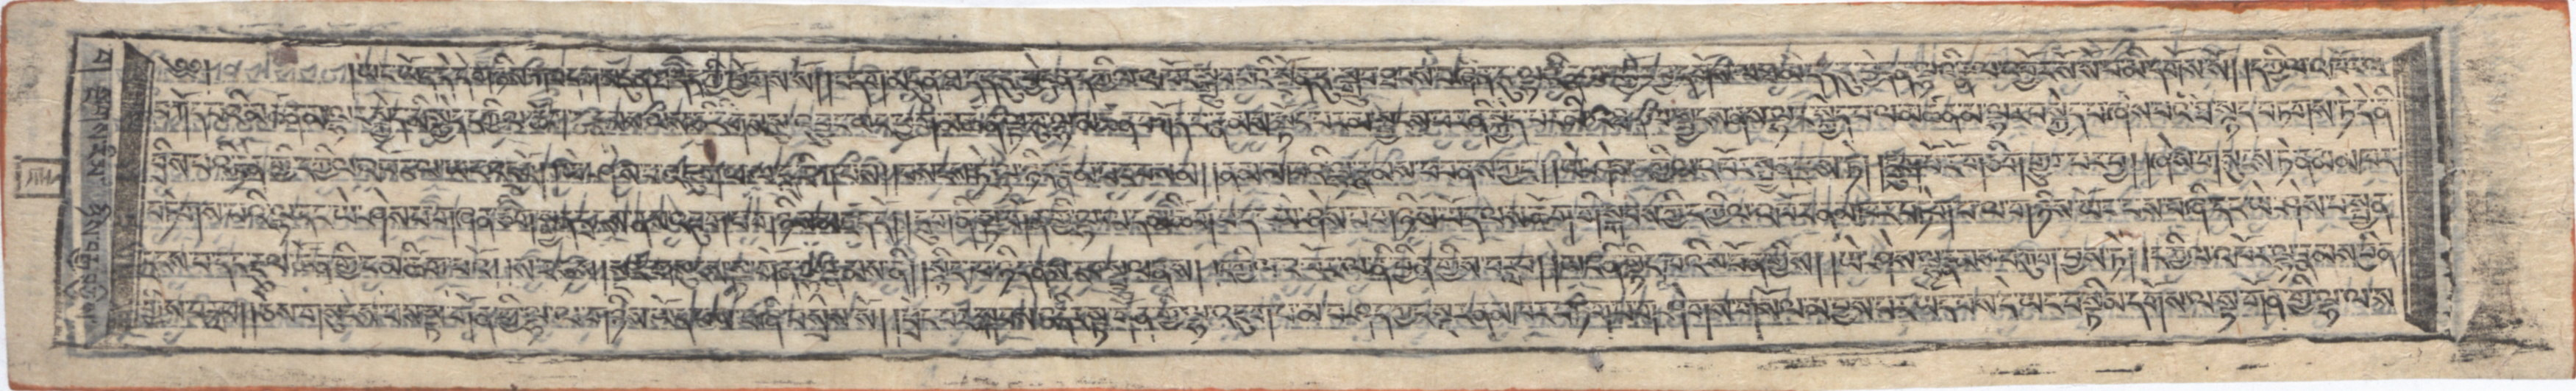༄༅། །ཡང་ཡོད་དེ་དེ་གཉིས་ཀ་བདག་མདུན་ཐ་དད་ཀྱི་ཕྱོགས་སོ། །བདག་མདུན་ཐ་དད་དུ་བྱེད་ན་དཀྱིལ་འཁོར་སྒྲུབ་པའི་སྔོན་དུ་སྒྲུབ་ཐབས་བཞིན་དུ་ལྷའི་རྣལ་འབྱོར་བྱ་དགོས་ལ་ཐ་མི་དད་དུ་བྱེད་ན་ལྷའི་རྣལ་འབྱོར་སོ་སོ་བ་མི་དགོས་སོ། །དཀྱིལ་འཁོར་ལ་
བཀོད་པའི་མཚན་མ་ལྷར་སྐྱེད་མི་སྐྱེད་དཀྱིལ་ཆོག་རྣམས་ལས་ཅི་རིགས་སུ་འབྱུང་ཡང་ཕྱག་མཚན་ལྟ་བུ་ལྷ་མཚན་བཀོད་པ་རྣམས་སྟོང་པར་མ་སྦྱངས་པར་ནི་སྐྱེད་པར་མི་འཐད་ལ་སྦྱངས་ནས་ལྷར་སྐྱེད་པ་ལ་མཚན་མ་ལྷར་བསྐྱེད་པ་ཞེས་པའི་ཐ་སྙད་བཏགས་ཏེ་དེ་ནི་
བྲིས་པའི་རྟེན་གྱི་དཀྱིལ་འཁོར་ལ་ཡང་འདྲའོ། །ཡེ་ཤེས་པ་འཇུག་པ་ལ་དཱ་རི་ཀ་པས། །བསངས་ཏེ་ལྷ་ཉིད་རྣམ་པར་བསམ། །ནམ་མཁའི་ལྷ་རྣམས་ཕབ་ནས་ཀྱང་། །ཡེ་ཤེས་དཀྱིལ་འཁོར་སྤྱན་དྲངས་ཏེ། །དྲུག་པོ་རོ་གཅིག་གྱུར་པར་བྱ། །ཞེས་གསུངས་ཏེ་ནམ་མཁར་
བཏེགས་པའི་ལྷ་དང་ཡེ་ཤེས་པ་གཞན་ཅིག་སྤྱན་དྲངས་ནས་འཇུག་པ་གཉིས་མཛད་དོ། །དྲུག་ནི་སྟ་གོན་གྱི་ལྷ་ལ་དམ་ཚིག་པ་དང་ཡེ་ཤེས་པ་གཉིས་ཡོད་ལ་ས་ཆོག་གི་སྐབས་ཀྱི་དཀྱིལ་འཁོར་ནམ་མཁར་བཏེག་པ་ལ་གཉིས་ཡོད་པས་བཞི་དང་ཡེ་ཤེས་པ་སྤྱན་
དྲངས་པ་དང་རྡུལ་ཚོན་གྱི་དམ་ཚིག་པའོ། །ས་ར་ཧས། སྔར་གསུངས་སྟ་གོན་ལྷ་རྣམས་ནི། །སྙིང་ཁ་ཉིད་ནས་རབ་སྤྲུལ་ནས། །དཀྱིལ་འཁོར་ལ་ནི་བྱིན་གྱིས་བརླབ། །ཡང་ནི་སྙིང་ཁའི་ས་བོན་གྱིས། །ཡེ་ཤེས་ལྷ་རྣམས་བཀུག་བྱས་ཏེ། །དཀྱིལ་འཁོར་ལྷ་རྣམས་བྱིན་
གྱིས་བརླབ། །ཅེས་གསུངས་པས་སྟེ་གོན་གྱི་ལྷ་ལ་གཉིས་ཡོད་པས་བཞི་བསྲེས་སོ། །ཕྲེང་བར་སྐབས་འདིར་སྟ་གོན་གྱི་ལྷ་འཇུག་པ་མ་བཤད་ཀྱང་སྔར་ནམ་མཁར་བཏེག་པ་གཤེགས་གསོལ་མ་བྱས་པར་ཡོད་པས་དེ་ཡང་བསྟིམ་དགོས་ལ་སྟ་གོན་གྱི་ལྷ་ལ་ས་